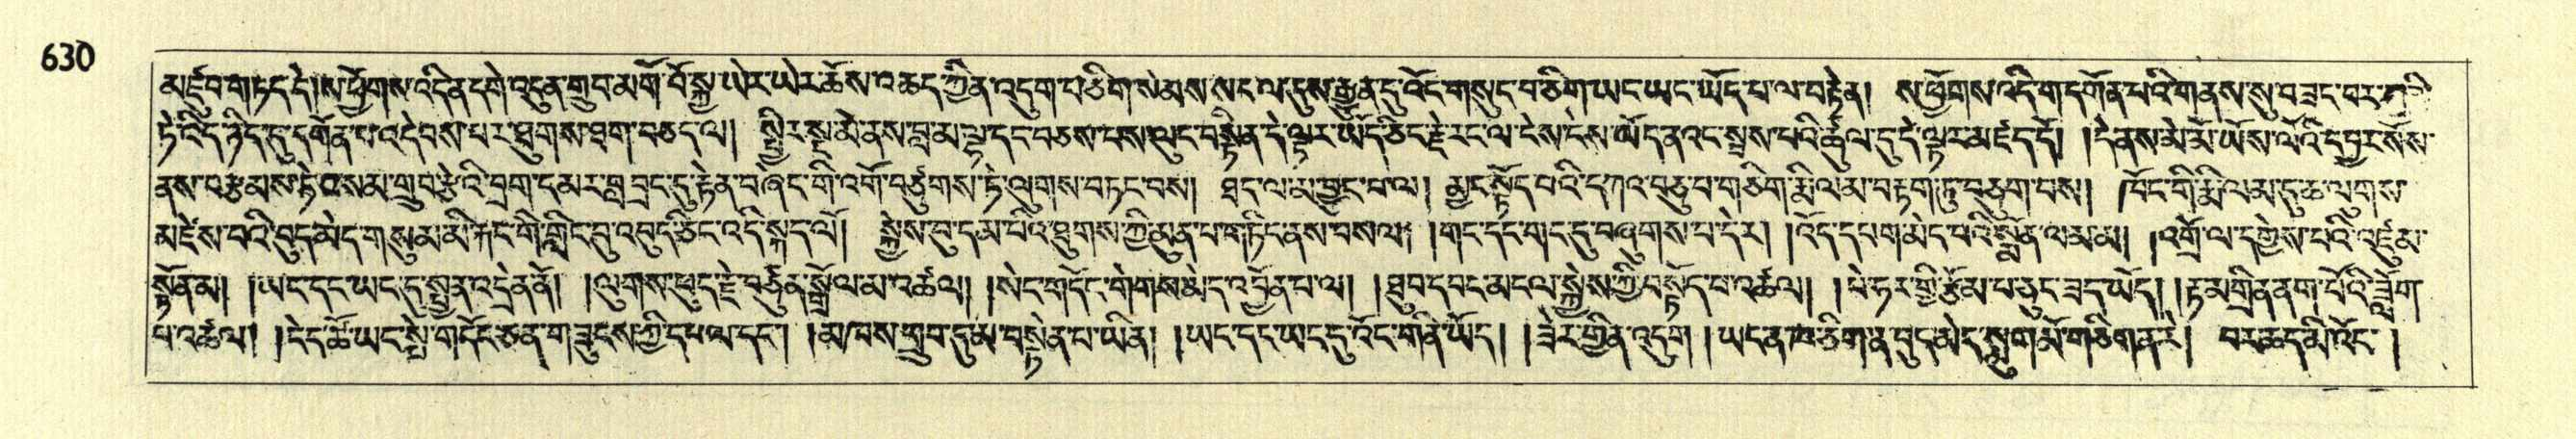མཛུབ་གཏད་དེ། ས་ཕྱོགས་འདི་ན་དགེ་འདུན་གྲུབ་མགོ་བོ་སྐྱ་ཡེར་ཡེར་ཆོས་འཆད་ཀྱིན་འདུག་པ་ཅིག་སེམས་སང་ལ་དུས་རྒྱུན་དུ་འོང་གསུང་བ་ཅིག་ཡང་ཡང་ཡོད་པ་ལ་བརྟེན། ས་ཕྱོགས་འདི་ག་དགོན་པའི་གནས་སུ་བཟང་བར་གཟི?
ཏེ་འདི་ཉིད་དུ་དགོན་པ་འདེབས་པར་ཐུགས་ཐག་བཅད་ལ། སྤྱིར་སྔ་མེ་ནས་བླ་མ་ལྷ་དང་བཅས་པས་ལུང་བསྟིན་དེ་ལྟར་ཡོད་ཅིང་རྗེ་རང་ལ་ངེས་ངེས་ཡོད་ནའང་སྦས་པའི་ཚུལ་དུ་དེ་ལྟར་མཛད་དོ། །དེ་ནས་མེ་མོ་ཡོས་ལོའི་དབྱར་སོས་
ནས་བརྩམས་ཏེ་བསམ་གྲུབ་རྩེའི་བྲག་དམར་བླ་བྲང་དུ་རྟེན་བཞེང་གི་འགོ་བཙུགས་ཏེ་ལུགས་བཏང་བས། ཐང་ལ་མ་བྱུང་བ་ལ། མྱང་སྟོད་པའི་དཀའ་བཅུ་པ་གཅིག་རྨི་ལམ་བརྟག་ཏུ་བཅུག་པས། ཁོང་གི་རྨི་ལམ་དུ་ཆ་ལུགས་
མཛེས་བའི་བུད་མེད་གསུམ་མི་རྐང་གི་གླིང་བུ་འབུད་ཅིང་འདི་སྐད་ལོ། སྐྱེས་བུ་དམ་པའི་ཐུགས་ཀྱི་མུན་པ་གཏིང་ནས་བསལ། །གང་དང་གང་དུ་བཞུགས་པ་དེ་ར། །འོད་དཔག་མེད་པའི་སྨོན་ལམ་མ། །འགྲོ་ལ་དགྱེས་པའི་འཛུམ་
སྟོན་མ། །ཡང་དང་ཡང་དུ་སྤྱན་འདྲེན་ནོ། །ལུགས་ཕུད་རྗེ་བཙུན་སྒྲོལ་མ་འཚལ། །སེང་གདོང་གེགས་མེད་འབྱོན་པ་ལ། །ཐུབ་དབང་མངལ་སྐྱེས་ཀྱི་བསྟོད་པ་འཚལ། །པེ་ཧར་གྱི་རྩོམ་པ་ཅུང་ཟད་ཡོད། །རྟ་མགྲིན་ནག་པོའི་ཟློག་
པ་འཚལ། །ངེད་ཚོ་ཡང་སྤེ་གདོང་ཅན་གཟུངས་ཀྱི་དཔལ་དང་། །མཁས་གྲུབ་དུ་མ་བསྟེན་པ་ཡིན། །ཡང་དང་ཡང་དུ་འོང་གིན་ཡོད། །ཟེར་གྱིན་འདུག །ཡང་ན་ཁ་ཅིག་ན་བུད་མེད་སྨུག་མོ་གཅིག་ན་རེ། བར་ཆད་མི་འོང་།